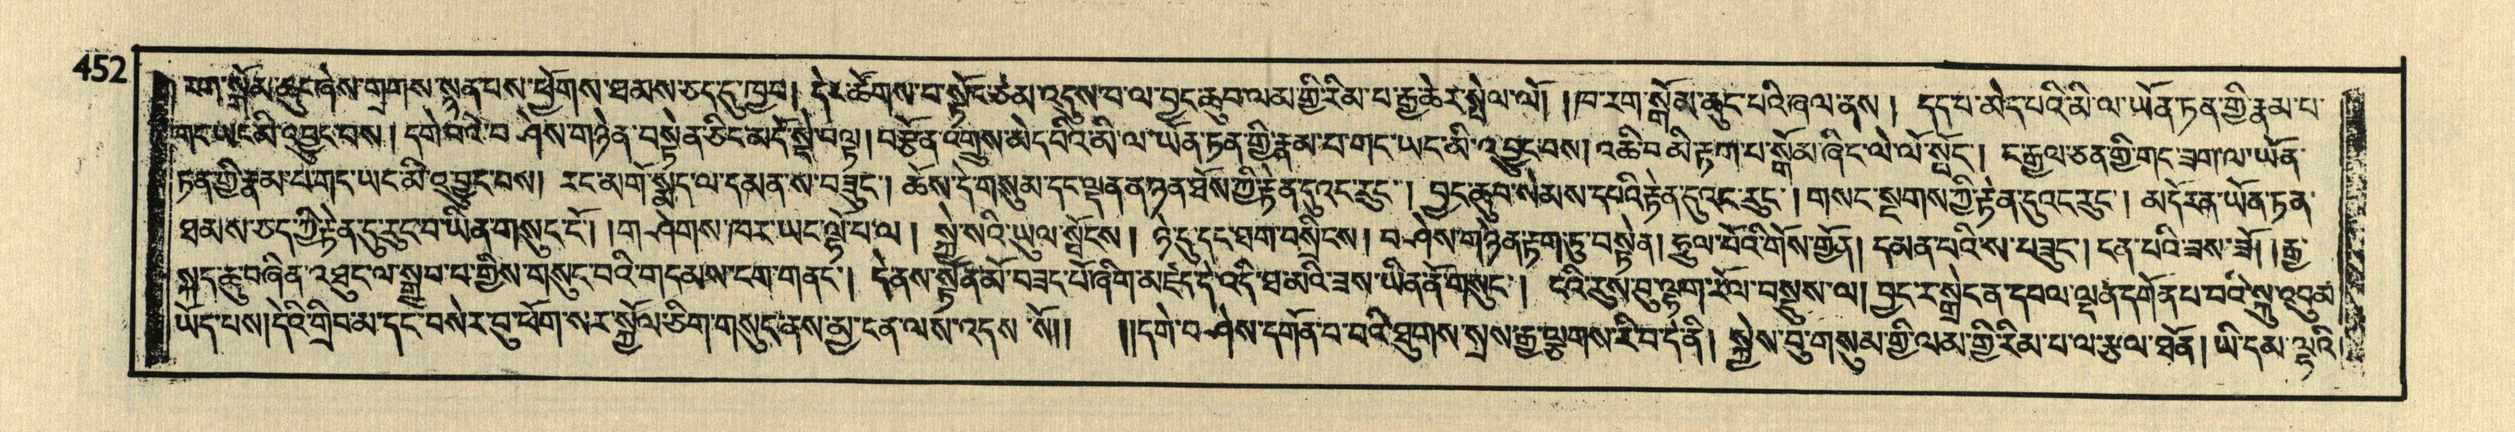རག་སྒོམ་ཆུང་ཞེས་གྲགས་སྙན་པས་ཕྱོགས་ཐམས་ཅད་དུ་ཁྱབ། དེར་ཚོགས་པ་སྟོང་ཙམ་འདུས་བ་ལ་བྱང་ཆུབ་ལམ་གྱི་རིམ་པ་རྒྱ་ཆེར་སྤེལ་ལོ། །ཁ་རག་སྒོམ་ཆུང་པའི་ཞལ་ནས། དད་པ་མེད་པའི་མི་ལ་ཡོན་ཏན་གྱི་རྣམ་པ་
གང་ཡང་མི་འབྱུང་བས། དགེ་བའི་བཤེས་གཉེན་བསྟེན་ཅིང་མདོ་སྡེ་བལྟ། བརྩོན་འགྲུས་མེད་བའི་མི་ལ་ཡོན་ཏན་གྱི་རྣམ་པ་གང་ཡང་མི་འབྱུང་བས། འཆི་བ་མི་རྟག་པ་སྒོམ་ཞིང་ལེ་ལོ་སྤོང་། ང་རྒྱལ་ཅན་གྱི་གང་ཟག་ལ་ཡོན་
ཏན་གྱི་རྣམ་པ་གང་ཡང་མི་འབྱུང་བས། རང་མགོ་སྨད་ལ་དམན་ས་བཟུང་། ཆོས་དེ་གསུམ་དང་ལྡན་ན་ཉན་ཐོས་ཀྱི་རྟེན་དུའང་རུང་། བྱང་ཆུབ་སེམས་དཔའི་རྟེན་དུའང་རུང་། གསང་སྔགས་ཀྱི་རྟེན་དུའང་རུང་། མདོར་ན་ཡོན་ཏན་
ཐམས་ཅད་ཀྱི་རྟེན་དུ་རུང་བ་ཡིན་གསུང་ངོ། །གཤེགས་ཁར་ཡང་ལྷོ་པ་ལ། སྐྱེ་སའི་ཡུལ་སྤོངས། ཉེ་དུ་དང་ཐག་བསྲིངས། བཤེས་གཉེན་རྟག་ཏུ་བསྟེན། ཧྲུལ་པོའི་གོས་གྱོན། དམན་པའི་ས་བཟུང་། ངན་པའི་ཟས་ཟོ། །རྒྱ་
སྐད་ཆུ་བཞིན་འཐུང་ལ་སྒྲུབ་པ་གྱིས་གསུང་བའི་གདམས་ངག་གནང་། དེ་ནས་སྟོན་མོ་བཟང་པོ་ཞིག་མཛད་དེ་འདི་ཐ་མའི་ཟས་ཡིན་ནོ་གསུང་། ངའི་རུས་བུ་ལྷག་རོལ་བསྡུས་ལ། བྱང་ར་སྒྲེང་ན་དབལ་ལྡན་དགོན་པ་བའི་སྐུ་འབུམ་
ཡོད་པས། དེའི་གྲིབ་མ་དང་བསེར་བུ་ཕོག་སར་སྐྱོལ་ཅིག་གསུང་ནས་མྱ་ངན་ལས་འདས་སོ།། །།དགེ་བཤེས་དགོན་བ་བའི་ཐུགས་སྲས་རྒྱ་ལྕགས་རི་བ་དེ་ནི། སྐྱེས་བུ་གསུམ་གྱི་ལམ་གྱི་རིམ་པ་ལ་རྩལ་ཐོན། ཡི་དམ་ལྷའི་